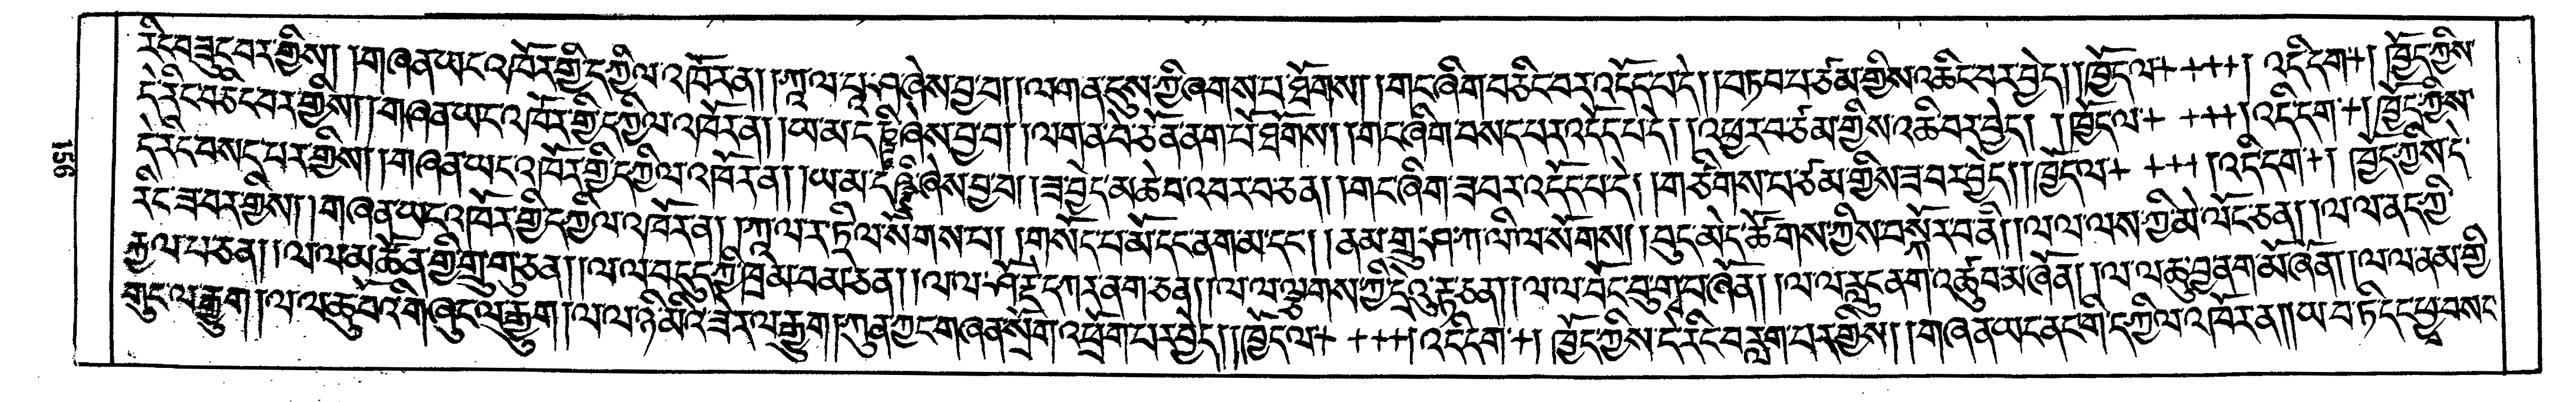རིང་བཟུང་བར་གྱིས། །གཞན་ཡང་འཁོར་གྱི་དཀྱིལ་འཁོར་ན། །ཀཱ་ལ་པཱ་ཤ་ཞེས་བྱ་བ། །ལག་ན་དུས་ཀྱི་ཞགས་པ་ཐོགས། །གང་ཞིག་བཅིང་བར་འདོད་པ་དེ། །བཏབ་པ་ཙམ་གྱིས་འཆིང་བར་བྱེད། །ཁྱོད་ལ། འདི་དག། ཁྱོད་ཀྱིས་
དེ་རིང་བཅིང་བར་གྱིས། །གཞན་ཡང་འཁོར་གྱི་དཀྱིལ་འཁོར་ན། །ཡ་མ་དཎྜིཾ་ཞེས་བྱ་བ། །ལག་ན་བེ་ཅོན་ནག་པོ་ཐོགས། །གང་ཞིག་བསད་པར་འདོད་པ་དེ། །འཕྱར་བརྩམ་གྱིས་འཆི་བར་བྱེད། །ཁྱོད་ལ། འདི་དག །ཁྱོད་ཀྱིས་
དེ་རིང་བསང་པར་གྱིས། །གཞན་ཡང་འཁོར་གྱི་དཀྱིལ་འཁོར་ན། །ཡ་མ་དཥྚཱི་ཞེས་བྱ་བ། །ཟ་བྱེད་མཆེ་བ་འབར་བ་ཅན། །གང་ཞིག་ཟ་བར་འདོད་པ་དེ། །གཙིགས་པ་ཙམ་གྱིས་ཟ་བར་བྱེད། །ཁྱོད་ལ། འདི་དག། ཁྱོད་ཀྱིས་དེ་
རིང་ཟ་བར་གྱིས། །གཞན་ཡང་འཁོར་གྱི་དཀྱིལ་འཁོར་ན། །ཀཱ་ལ་ར་ཏྲི་ལ་སོགས་པ། །གསོད་པ་མོ་དང་ནག་མོ་དང་། །ནམ་གྲུ་ཤ་ཀ་ལི་ལ་སོགས། །བུད་མེད་ཚེགས་ཀྱིས་བསྐོར་བ་ནི། །ལ་ལ་ལས་ཀྱི་མེ་ལོང་ཅན། །ལ་ལ་ནད་ཀྱི་
རྐྱལ་པ་ཅན༑ །ལ་ལ་མཚོན་གྱི་གྲུ་གུ་ཅན། །ལ་ལ་བདུད་ཀྱི་ཁྲམ་བམ་ཅན། །ལ་ལ་ཤོ་རྔེ་དཀར་ནག་ཅན། །ལ་ལ་ལྕགས་ཀྱི་དྲེའུ་རྟ་ཅན། །ལ་ལ་པོང་བུ་གྭ་པ་ཞོན། །ལ་ལ་རླུང་ནག་འཚུབ་མ་ཞོན། །ལ་ལ་ཆུ་བྱ་ནག་མོ་ཞོན། །ལ་ལ་ནམ་གྱི་
གུང་ལ་རྒྱུག །ལ་ལ་ཆུ་བོའི་གི་ཞུང་ལ་རྒྱུག །ལ་ལ་ཉི་མའི་ཟེར་ལ་རྒྱུག། ཀུན་ཀྱང་གཞན་སྲོག་འཕྲོག་པར་བྱེད། །ཁྱོད་ལ། འདི་དག། ཁྱོད་ཀྱིས་དེ་རིང་བརླག་པར་གྱིས། །གཞན་ཡང་ནང་གི་དཀྱིལ་འཁོར་ན། །ཡ་བ་ཏི་དང་ཕྱྭ་བསང་